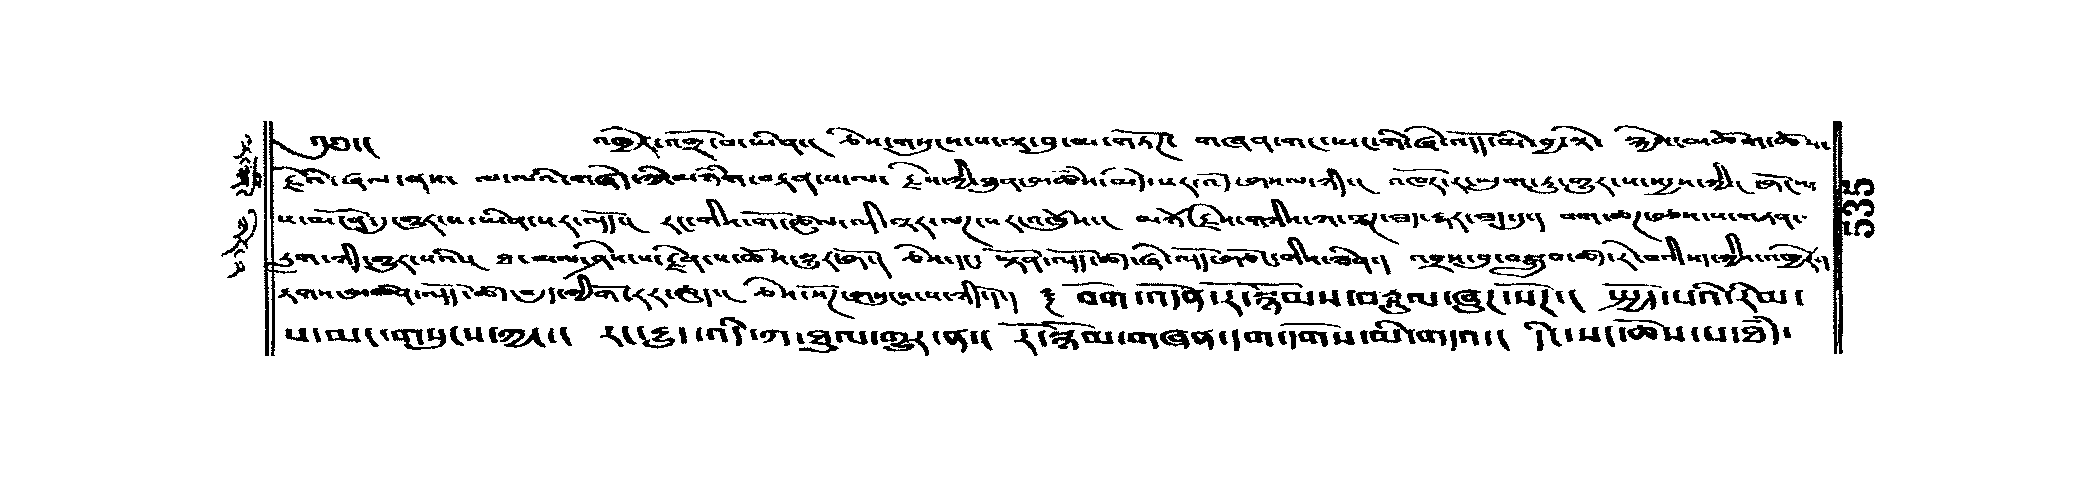འཁྱེར་འགྲོ་བ་ཡིན། ཅེས་གསུངས་པ་ལྟ་བུ་མ་གཏོགས། གཞན་གང་ཡང་གི་ཞེ་འདོད་མི་བྱ་སྟེ། སྐྱེས་མཆོག་ཆོས་
རྗེའི་ཞལ་ནས། ལ་ལའི་གཞེད་ཀྱི་མཉམ་བཞག་བརྟན་པ་ལ། །རྗེས་ཀྱི་ཐུན་མཚམས་མེད་པར་འོད་གསལ་ཉིད། །འཁོར་ར་ཡུག་ཏུ་གྱུར་པ་སངས་རྒྱས་ཀྱི། །དགོངས་
པ་མངོན་དུ་གྱུར་པ་ཡིན་པར་འདོད། །རང་གིས་གོ་ཚུལ་འདི་ལྟར་ལགས་པར་འཁུམས། །མཉམ་རྗེས་གཉིས་ཀ་ལྕགས་ཟད་རྡར་ཟད་དུ། །བག་ཆགས་བཅས་པ་གཏན་
རླག་ཉིད་གྱུར་པའི། །ཐ་མལ་ཤེས་པ་རྗེན་པ་ཆོས་སྐུར་གོ ཞེས་དང་། ཡོན་ཏན་འདོད་ཚད་ཞེ་འདོད་གཅོང་གིས་ཟིན། །འབྲས་བུ་བསྒྲུབ་ཚད་རེ་བའི་སད་ཀྱིས་འཁྱེར། །
རྟགས་མཚན་འདོད་ཚད་བདུད་གྱི་སྒོ་རར་ཚུད། ཅེས་སོགས་གསུངས་པ་ཉིད་དོ། ༈ བོགས་འདོན་རོ་སྙོམས་བརྟུལ་ཞུགས་སོགས། །སྤྱོད་པའི་རིམ་
པ་མང་གསུངས་ཀྱང་། །རང་རྒྱུད་འདི་ཀ་ཐུལ་གྱུར་ན། །རོ་སྙོམ་གཞན་དག་དགོས་མི་གདའ། །དིང་སང་ཆོས་པ་ཐམས་ཅད་